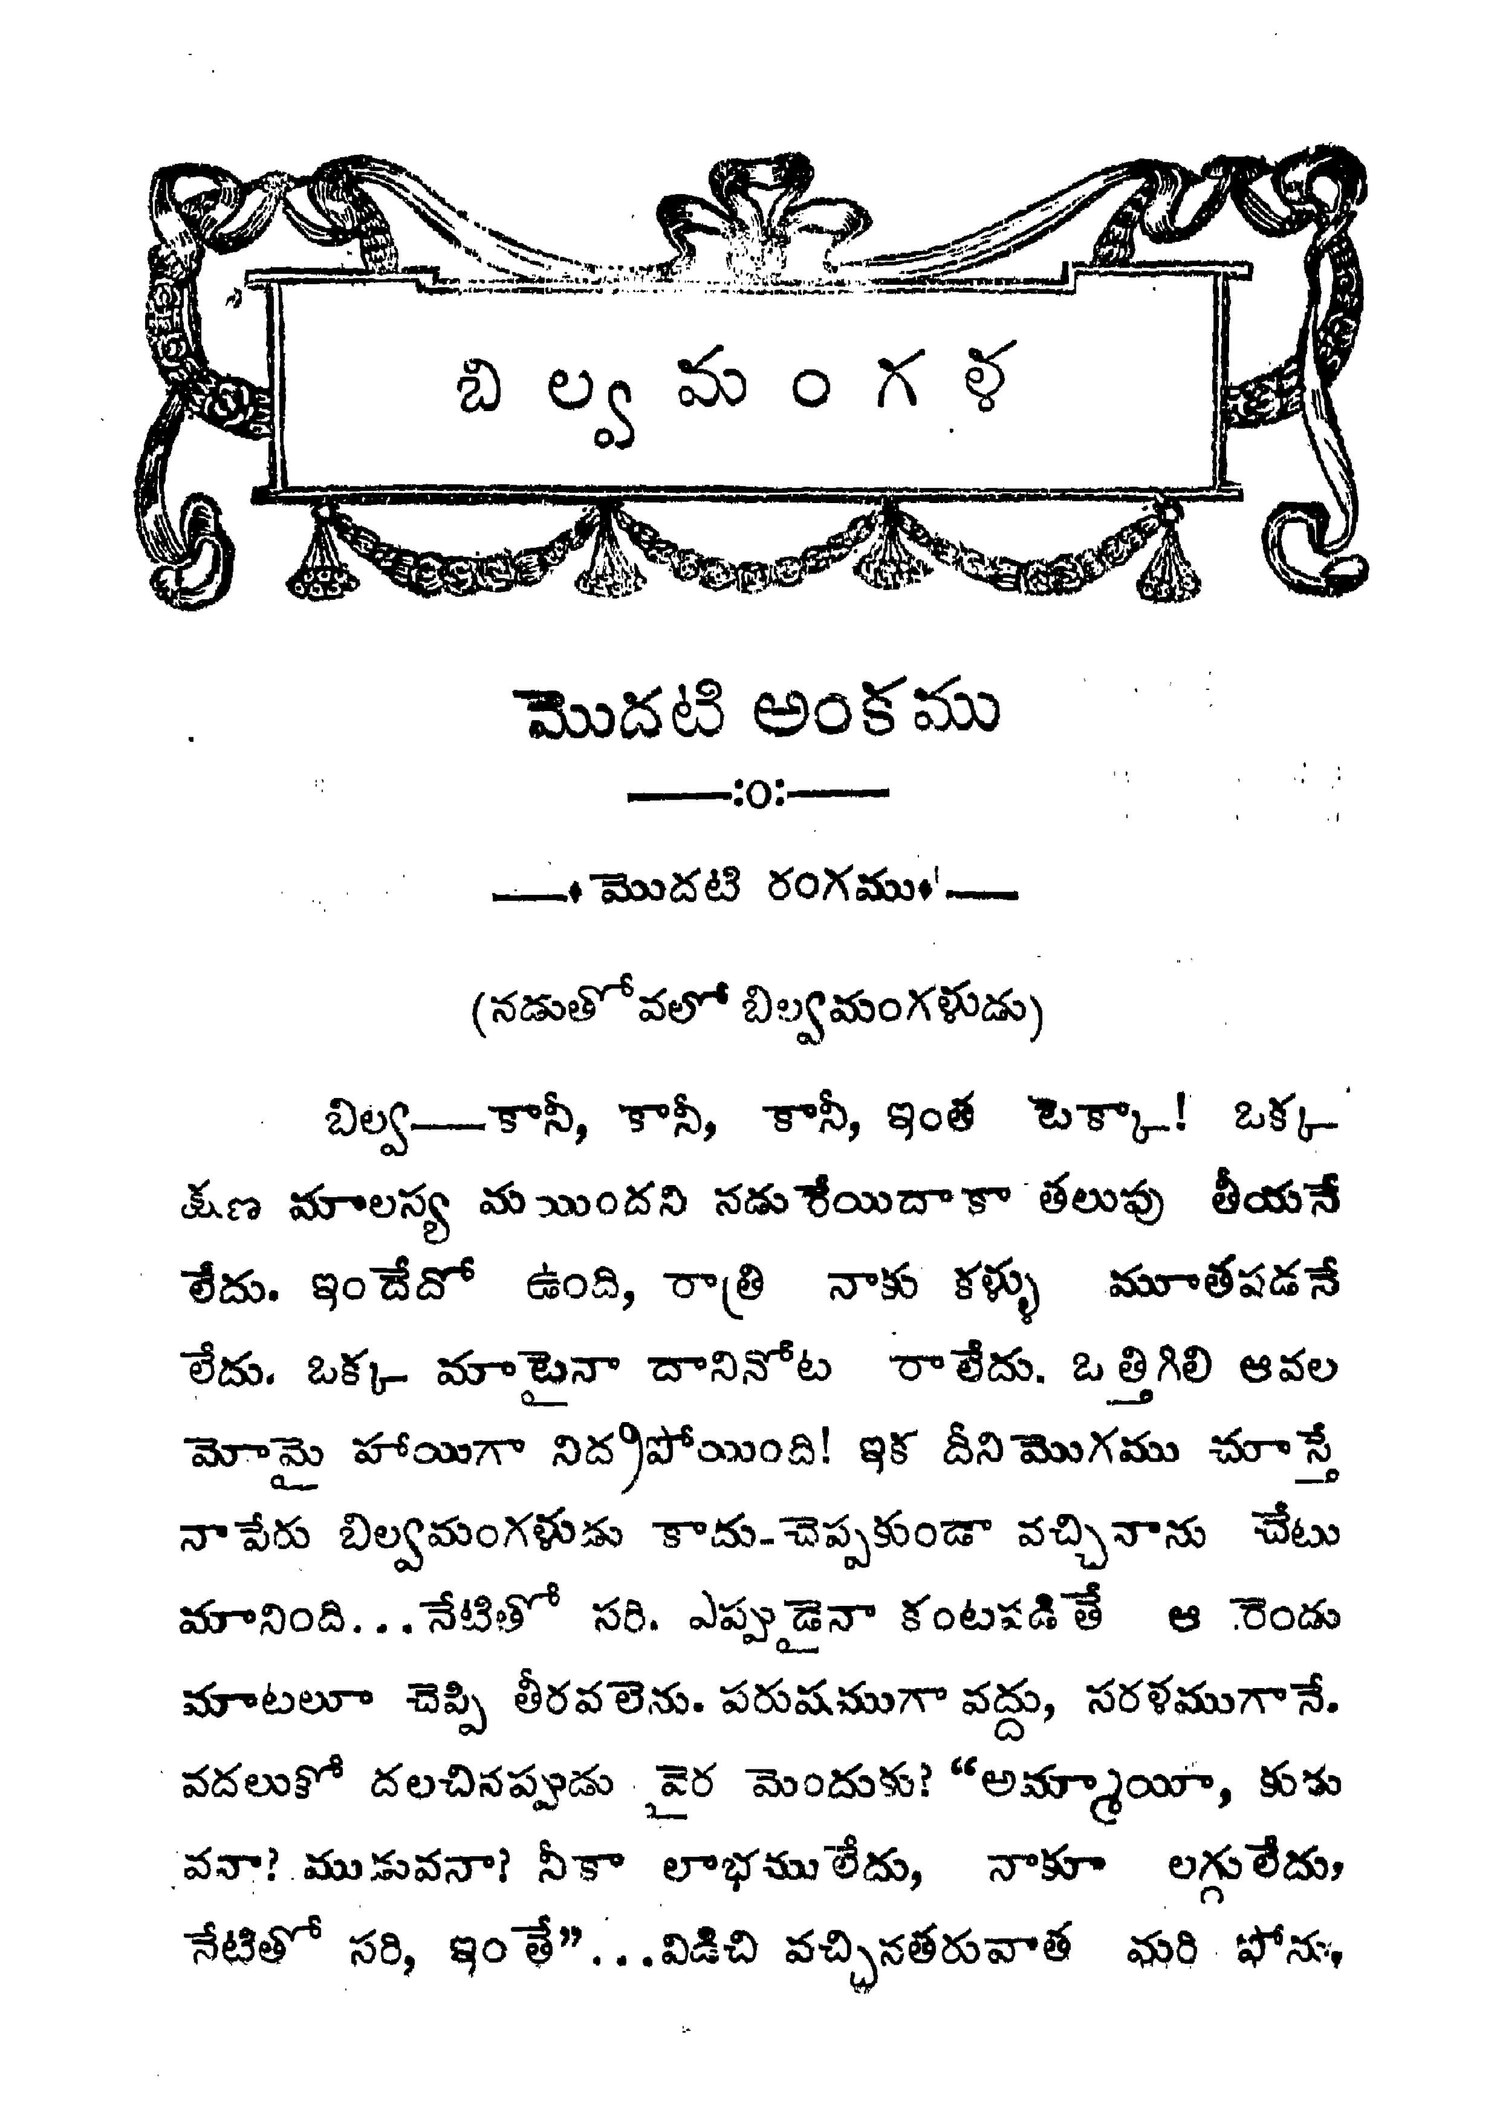బిల్వ - కానీ, కానీ, కానీ, ఇంత టెక్కా! ఒక్క క్షణ మాలస్య మయిందని నడురేయిదాకా తలుపు తీయనేలేదు. ఇందేదో ఉంది, రాత్రి నాకు కళ్ళు మూతపడనే లేదు ఒక్క మాటైనా దానినోట రాలేదు. ఒత్తిగిలి ఆవల మోమై హాయిగా నిద్రపోయింది! ఇక దీని మొగము చూస్తే నాపేరు బిల్వమంగళుడు కాదు - చెప్పకుండా వచ్చినాను చేటు మానింది...నేటితో సరి. ఎప్పుడైనా కంటపడితే ఆ రెండు మాటలూ చెప్పి తీరవలెను. పరుషముగా వద్దు, సరళముగానే. వదలుకో దలచినప్పుడు వైర మెందుకు? "అమ్మాయీ, కుడువవా? ముడువనా? నీకా లాభములేదు, నాకూ లగ్గులేదు, నేటితో సరి, ఇంతే"... విడిచి వచ్చినతరువాత మరి పోను.